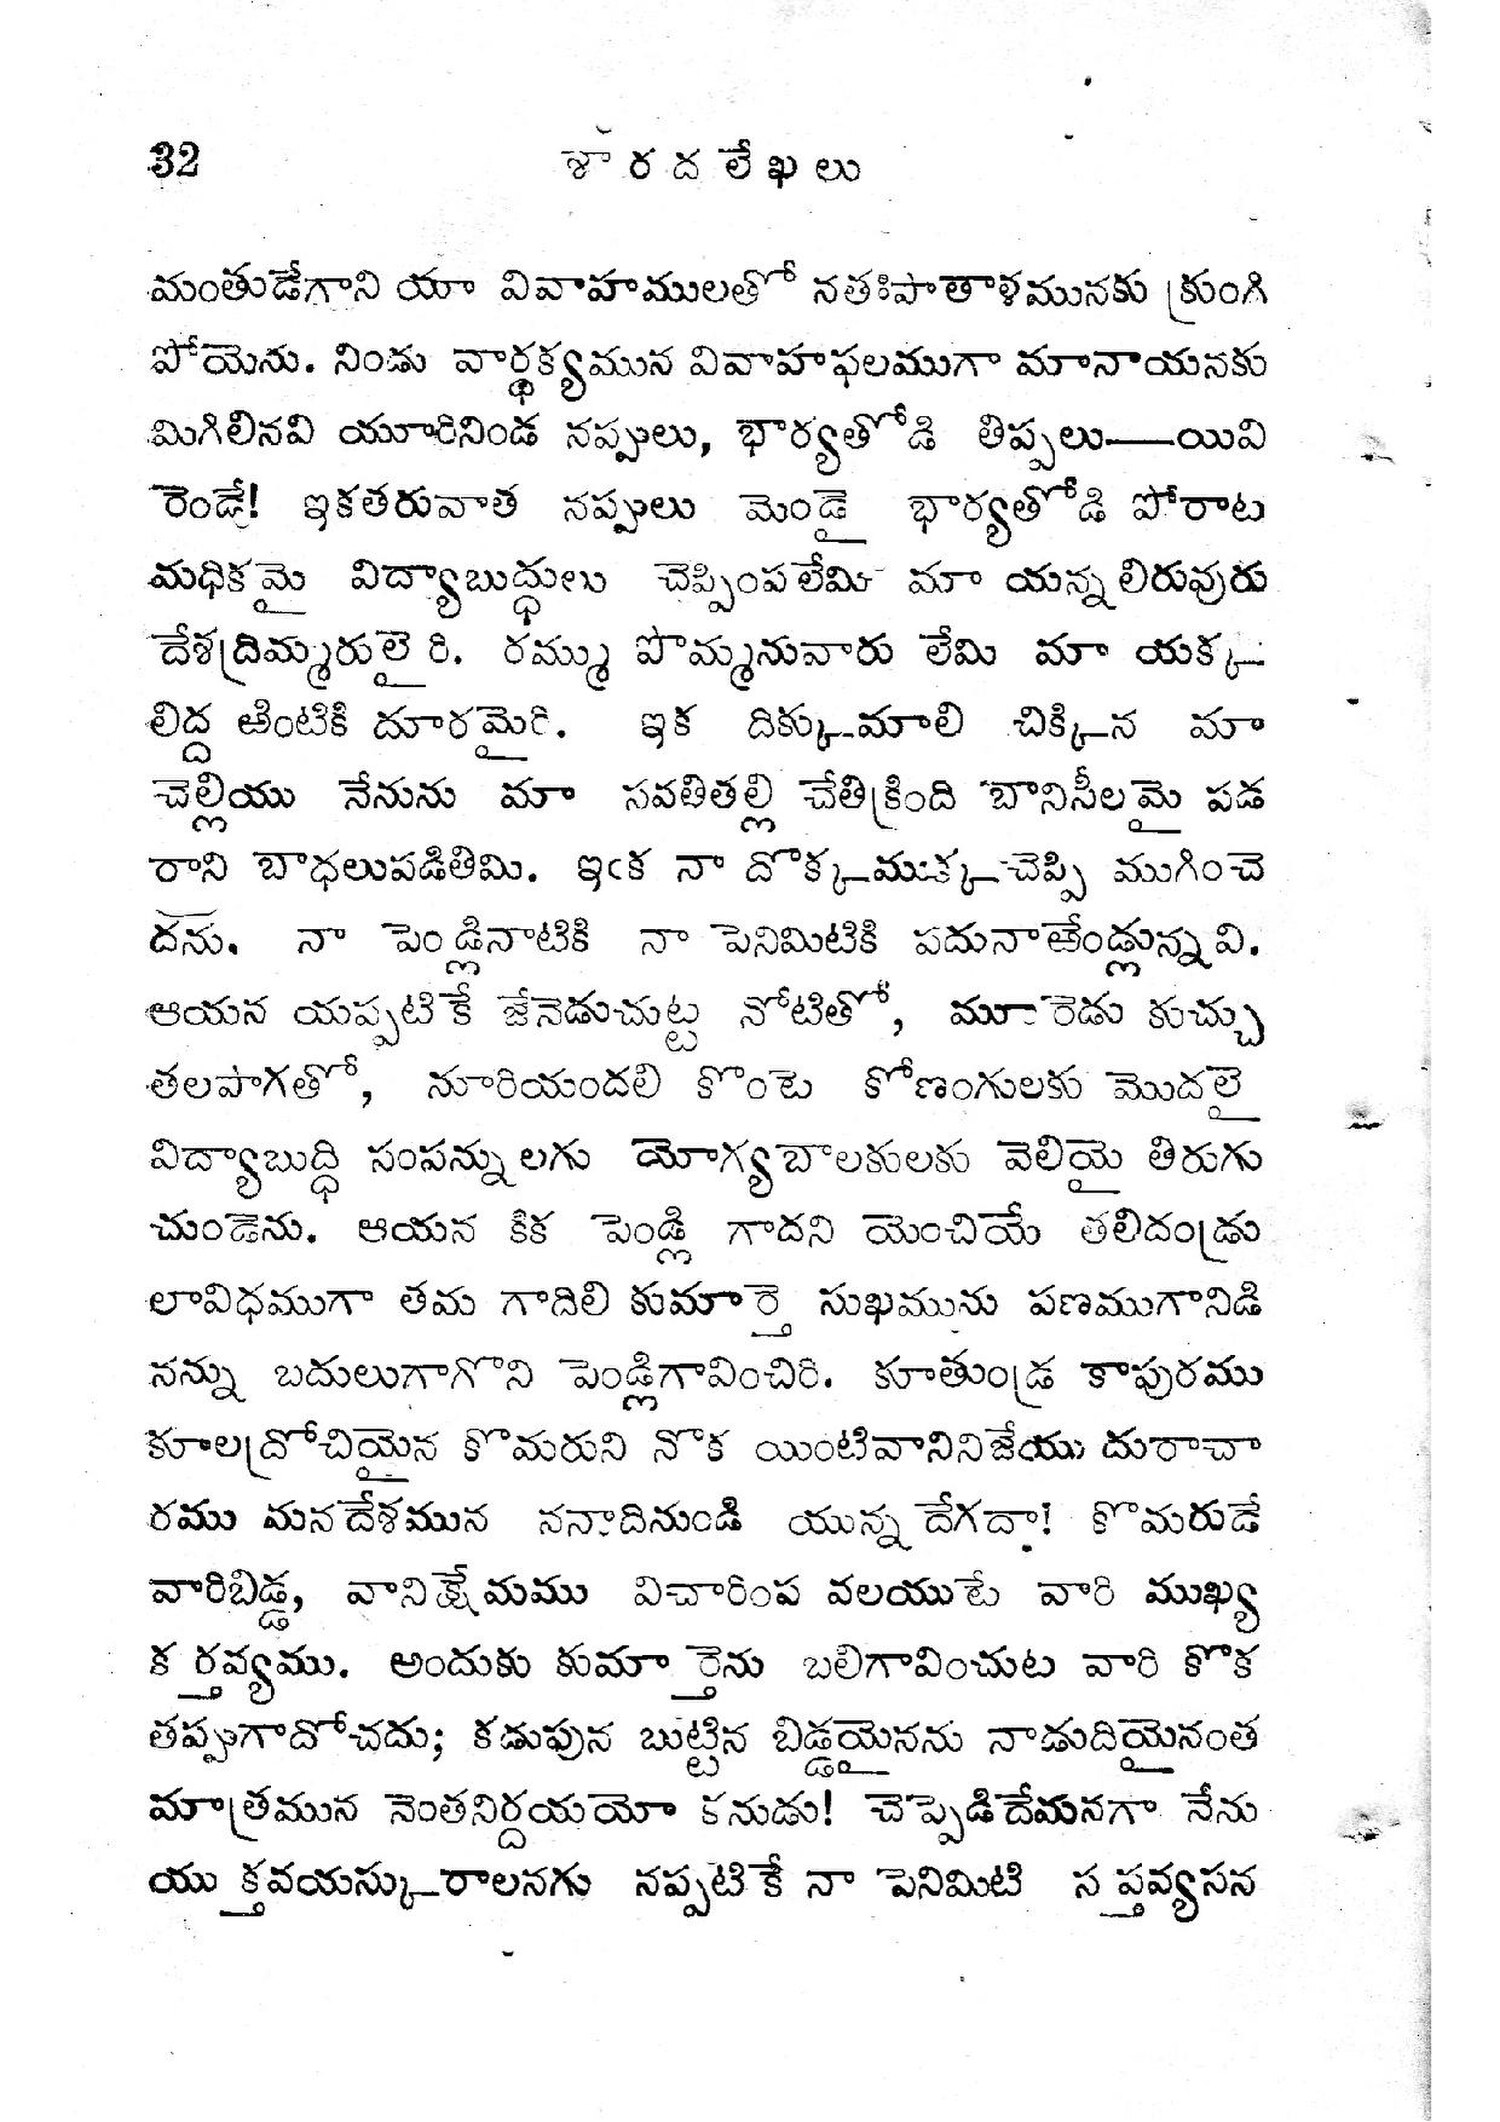మంతుడేగాని యా వివాహములతో నతఃపాతాళమునకు క్రుంగిపోయెను. నిండు వార్థక్యమున వివాహఫలముగా మానాయనకు మిగిలినవి యూరినిండ నప్పులు, భార్యతోడి తిప్పలు—యివి రెండే! ఇకతరువాత నప్పులు మెండై భార్యతోడి పోరాటమధికమై విద్యాబుద్ధులు చెప్పింపలేమి మా యన్నలిరువురు
దేశద్రిమ్మరులైరి. రమ్ము పొమ్మనువారు లేమి మా యక్క లిద్ద ఱింటికి దూరమైరి. ఇక దిక్కుమాలి చిక్కిన మా చెల్లియు నేనును మా సవతితల్లి చేతిక్రింది బానిసీలమై పడరాని బాధలుపడితిమి. ఇఁక నా దొక్కముక్కచెప్పి ముగించెదను. నా పెండ్లినాటికి నా పెనిమిటికి పదునాఱేండ్లున్నవి. ఆయన యప్పటికే జేనెడుచుట్ట నోటితో, మూరెడు కుచ్చు తలపాగతో, నూరియందలి కొంటె కోణంగులకు మొదలై విద్యాబుద్ధి సంపన్నులగు యోగ్యబాలకులకు వెలియై తిరుగుచుండెను. ఆయన కిక పెండ్లి గాదని యెంచియే తలిదండ్రు లావిధముగా తమ గాదిలి కుమార్తె సుఖమును పణముగానిడి నన్ను బదులుగాగొని పెండ్లిగావించిరి. కూతుండ్ర కాపురము కూలద్రోచియైన కొమరుని నొక యింటివానినిజేయు దురాచారము మనదేశమున ననాదినుండి యున్నదేగదా! కొమరుడే వారిబిడ్డ, వానిక్షేమము విచారింప వలయుటే వారి ముఖ్య కర్తవ్యము. అందుకు కుమార్తెను బలిగావించుట వారి కొక తప్పుగాదోచదు; కడుపున బుట్టిన బిడ్డయైనను నాడుదియైనంత మాత్రమున నెంతనిర్దయయో కనుడు! చెప్పెడిదేమనగా నేను
యుక్తవయస్కురాలనగు నప్పటికే నా పెనిమిటి సప్తవ్యసన